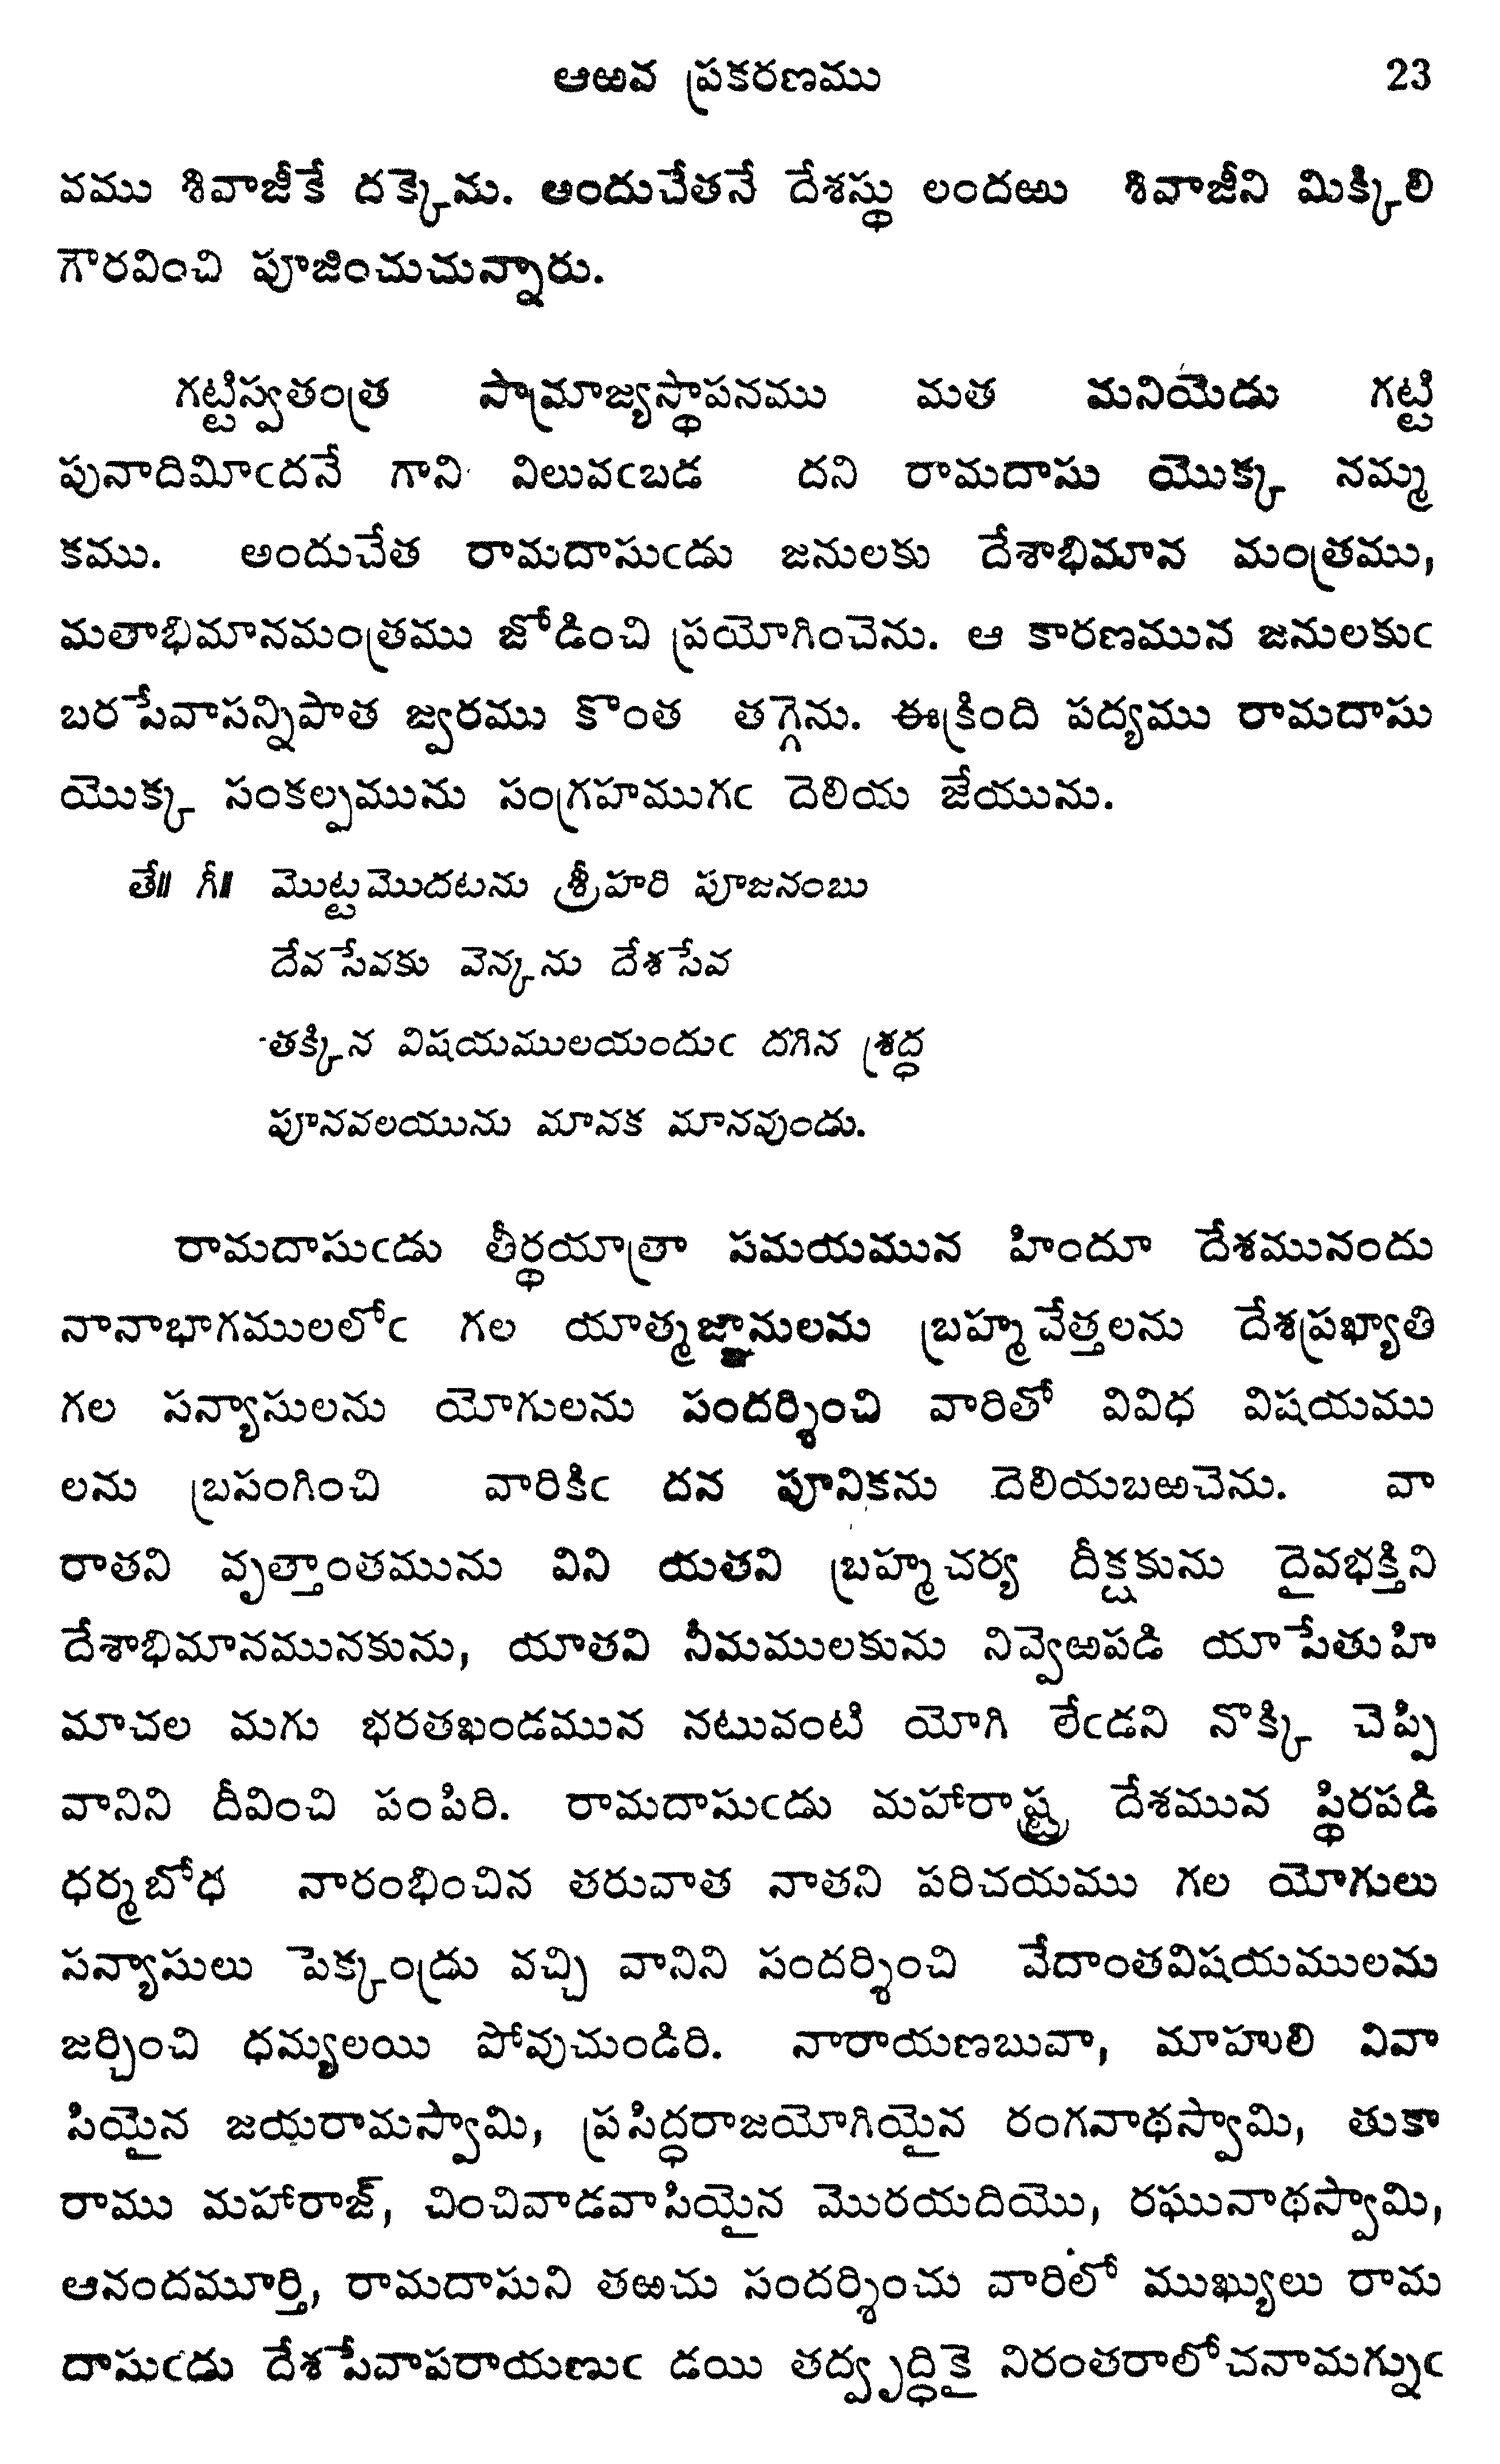నము శివాజీకే దక్కెను. అందుచేతనే దేశస్థు లందఱు శివాజీని మిక్కిలి గౌరవించి పూజించుచున్నారు.

గట్టిస్వతంత్ర సామ్రాజ్యస్థాపనము మత మనియెడు గట్టి పునాదిమీదనే గాని నిలువబడ దని రామదాసు యొక్క నమ్మకము. అందుచేత రామదాసుడు జనులకు దేశాభిమాన మంత్రము, మతాభిమానమంత్రము జోడించి ప్రయోగించెను. ఆ కారణమున జనులకు బరసేవాసన్నిపాత జ్వరము కొంత తగ్గెను. ఈ క్రింది పద్యము రామదాసు యొక్క సంకల్పమును సంగ్రహముగ దెలియ జేయును.

తే.గీ. మొట్టమొదటను శ్రీహరి పూజనంబు
 దేవసేవకు వెన్కను దేశసేవ
 తక్కిన విషయములయందు దగిన శ్రద్ధ
 పూనవలయును మానక మానవుండు.

రామదాసుడు తీర్థయాత్రా సమయమున హిందూదేశమునందు నానాభాగములలో గల యాత్మజ్ఞానులను బ్రహ్మవేత్తలను దేశప్రఖ్యాతి గల సన్యాసులను యోగులను సందర్శించి వారితో వివిధ విషయములను బ్రసంగించి వారికి దన పూనికను దెలియబఱచెను. వారాతని వృత్తాంతమును విని యతని బ్రహ్మచర్య దీక్షకును దైవభక్తికిని దేశాభిమానమునకును, యాతని నీమములకును నివ్వెఱపడి యాసేతుహిమాచల మగు భరతఖండమున నటువంటి యోగి లేడని నొక్కి చెప్పి వానిని దీవించి పంపిరి. రామదాసుడు మహారాష్ట్ర దేశమున స్థిరపడి ధర్మబోధ నారంభించిన తరువాత నాతని పరిచయము గల యోగులు సన్యాసులు పెక్కుండ్రు వచ్చి వానిని సందర్శించి వేదాంతవిషయములను జర్చించి ధన్యులయి పోవుచుండిరి. నారాయణబువా, మాహులి నివాసియైన జయరామస్వామి, ప్రసిద్ధరాజయోగియైన రంగనాథస్వామి, తుకారాము మహారాజ్, చించివాడవాసియైన మొరయదియొ, రఘునాథస్వామి, ఆనందమూర్తి, రామదాసుని తఱచు సందర్శించు వారిలో ముఖ్యులు రామదాసుడు దేశసేవాపరాయణు డయి తద్వృద్ధికై నిరంతరాలోచనా మగ్ను